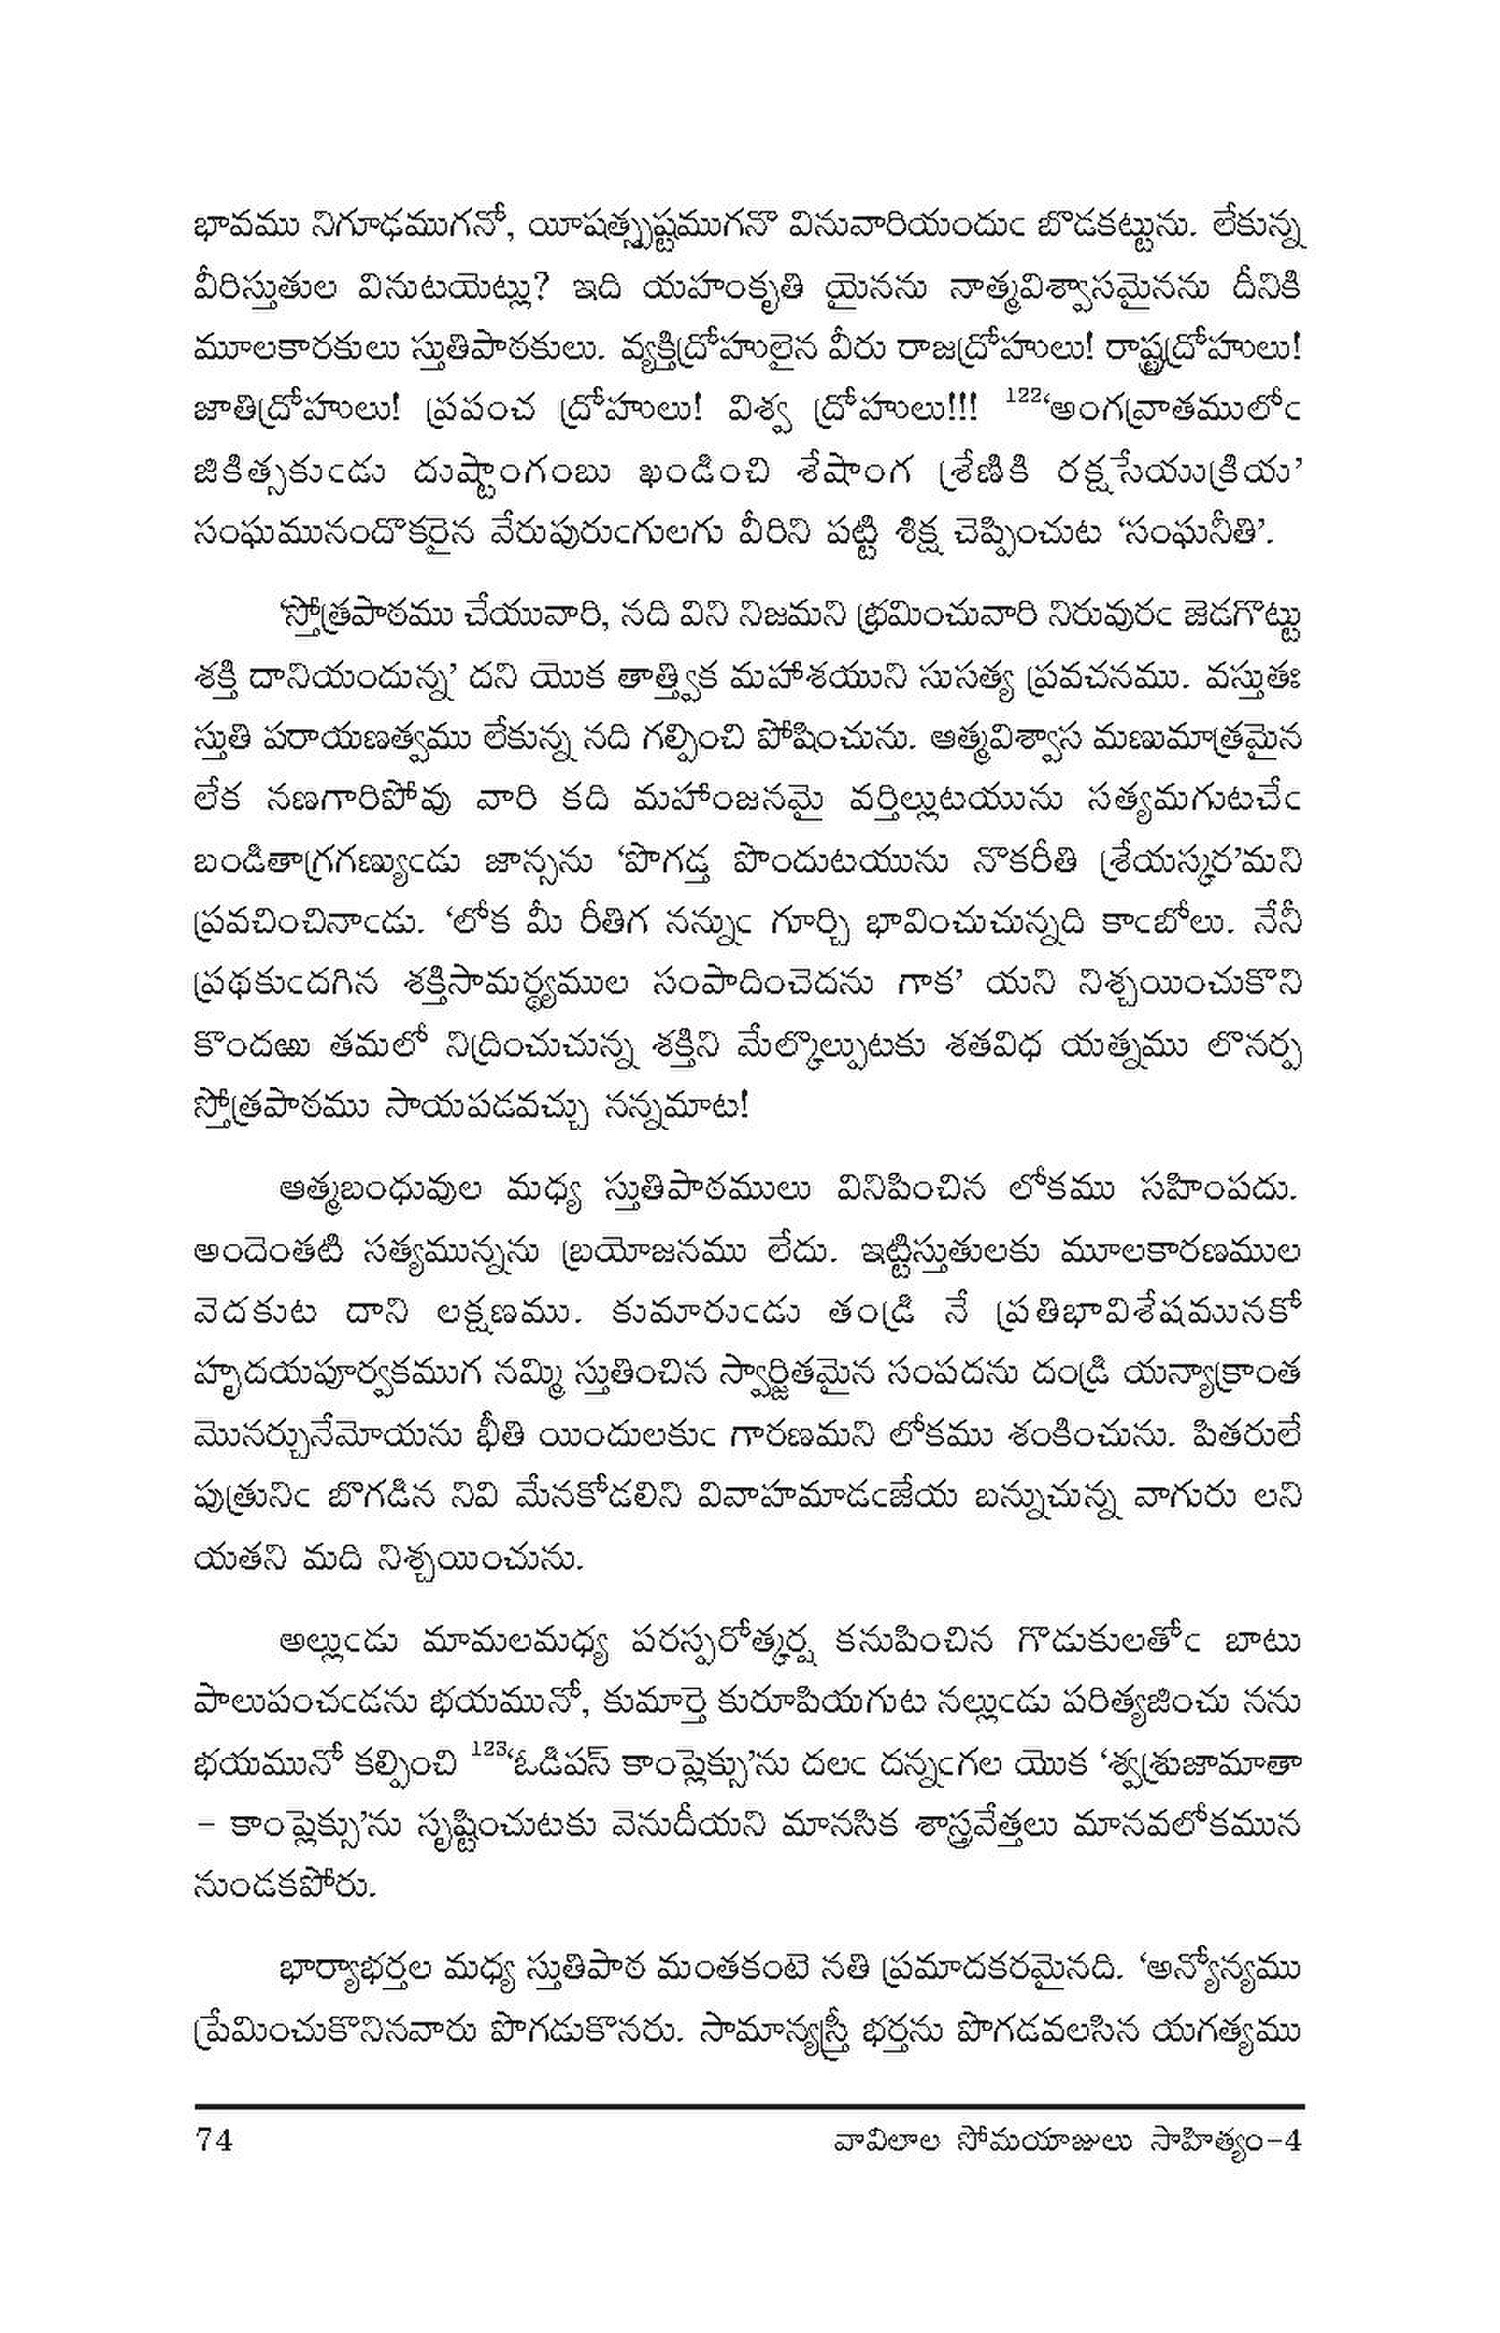భావము నిగూఢముగనో, యీషత్సృష్టముగనొ వినువారియందుఁ బొడకట్టును. లేకున్న
వీరిస్తుతుల వినుటయెట్లు? ఇది యహంకృతి యైనను నాత్మవిశ్వాసమైనను దీనికి
మూలకారకులు స్తుతిపాఠకులు. వ్యక్తిద్రోహులైన వీరు రాజద్రోహులు! రాష్ట్రద్రోహులు!
జాతిద్రోహులు! ప్రపంచ ద్రోహులు! విశ్వ ద్రోహులు!!! అంగవ్రాతములోఁ
జికిత్సకుఁడు దుష్టాంగంబు ఖండించి శేషాంగ శ్రేణికి రక్షసేయుక్రియ'
సంఘమునందొకరైన వేరుపురుఁగులగు వీరిని పట్టి శిక్ష చెప్పించుట 'సంఘనీతి’.

స్తోత్రపాఠము చేయువారి, నది విని నిజమని భ్రమించువారి నిరువురఁ జెడగొట్టు
శక్తి దానియందున్న' దాని యొక తాత్త్విక మహాశయుని సుసత్య ప్రవచనము. వస్తుతః
స్తుతి పరాయణత్వము లేకున్న నది గల్పించి పోషించును. ఆత్మవిశ్వాస మణుమాత్రమైన
లేక నణగారిపోవు వారి కది మహాంజనమై వర్తిల్లుటయును సత్యమగుటచేఁ
బండితాగ్రగణ్యుఁడు జాన్సను 'పొగడ్త పొందుటయును నొకరీతి శ్రేయస్కరమని
ప్రవచించినాఁడు. 'లోక మీ రీతిగ నన్నుఁ గూర్చి భావించుచున్నది కాఁబోలు. నేనీ
ప్రథకుఁదగిన శక్తిసామర్థ్యములు సంపాదించెదను గాక' యని నిశ్చయించుకొని
కొందఱు తమలో నిద్రించుచున్న శక్తిని మేల్కొల్పుటకు శతవిధ యత్నము లొనర్ప
స్తోత్రపాఠము సాయపడవచ్చు నన్నమాట!

ఆత్మబంధువుల మధ్య స్తుతిపాఠములు వినిపించిన లోకము సహింపదు.
అందెంతటి సత్యమున్నను బ్రయోజనము లేదు. ఇట్టిస్తుతులకు మూలకారణముల
వెదకుట దాని లక్షణము. కుమారుఁడు తండ్రి నే ప్రతిభావిశేషమునకో
హృదయపూర్వకముగ నమ్మి స్తుతించిన స్వార్జితమైన సంపదను దండ్రి యన్యాక్రాంత
మొనర్చునేమోయను భీతి యిందులకుఁ గారణమని లోకము శంకించును. పితరులే
పుత్రునిఁ బొగడిన నివి మేనకోడలిని వివాహమాడఁజేయ బన్నుచున్న వాగురు లని
యతని మది నిశ్చయించును.

అల్లుఁడు మామలమధ్య పరస్పరోత్కర్ష కనుపించిన గొడుకులతోఁ బాటు
పాలుపంచఁడను భయమునో, కుమార్తె కురూపియగుట నల్లుఁడు పరిత్యజించు నను
భయమునో కల్పించి ఓడిపస్ కాంప్లెక్సు'ను దలఁ దన్నఁగల యొక 'శ్వశ్రుజామాతా
'కాంప్లెక్సు'ను సృష్టించుటకు వెనుదీయని మానసిక శాస్త్రవేత్తలు మానవలోకమున
నుండకపోరు.

భార్యాభర్తల మధ్య స్తుతిపాఠ మంతకంటే నతి ప్రమాదకరమైనది. 'అన్యోన్యము
ప్రేమించుకొనినవారు పొగడుకొనరు. సామాన్యస్త్రీ భర్తను పొగడవలసిన యగత్యము